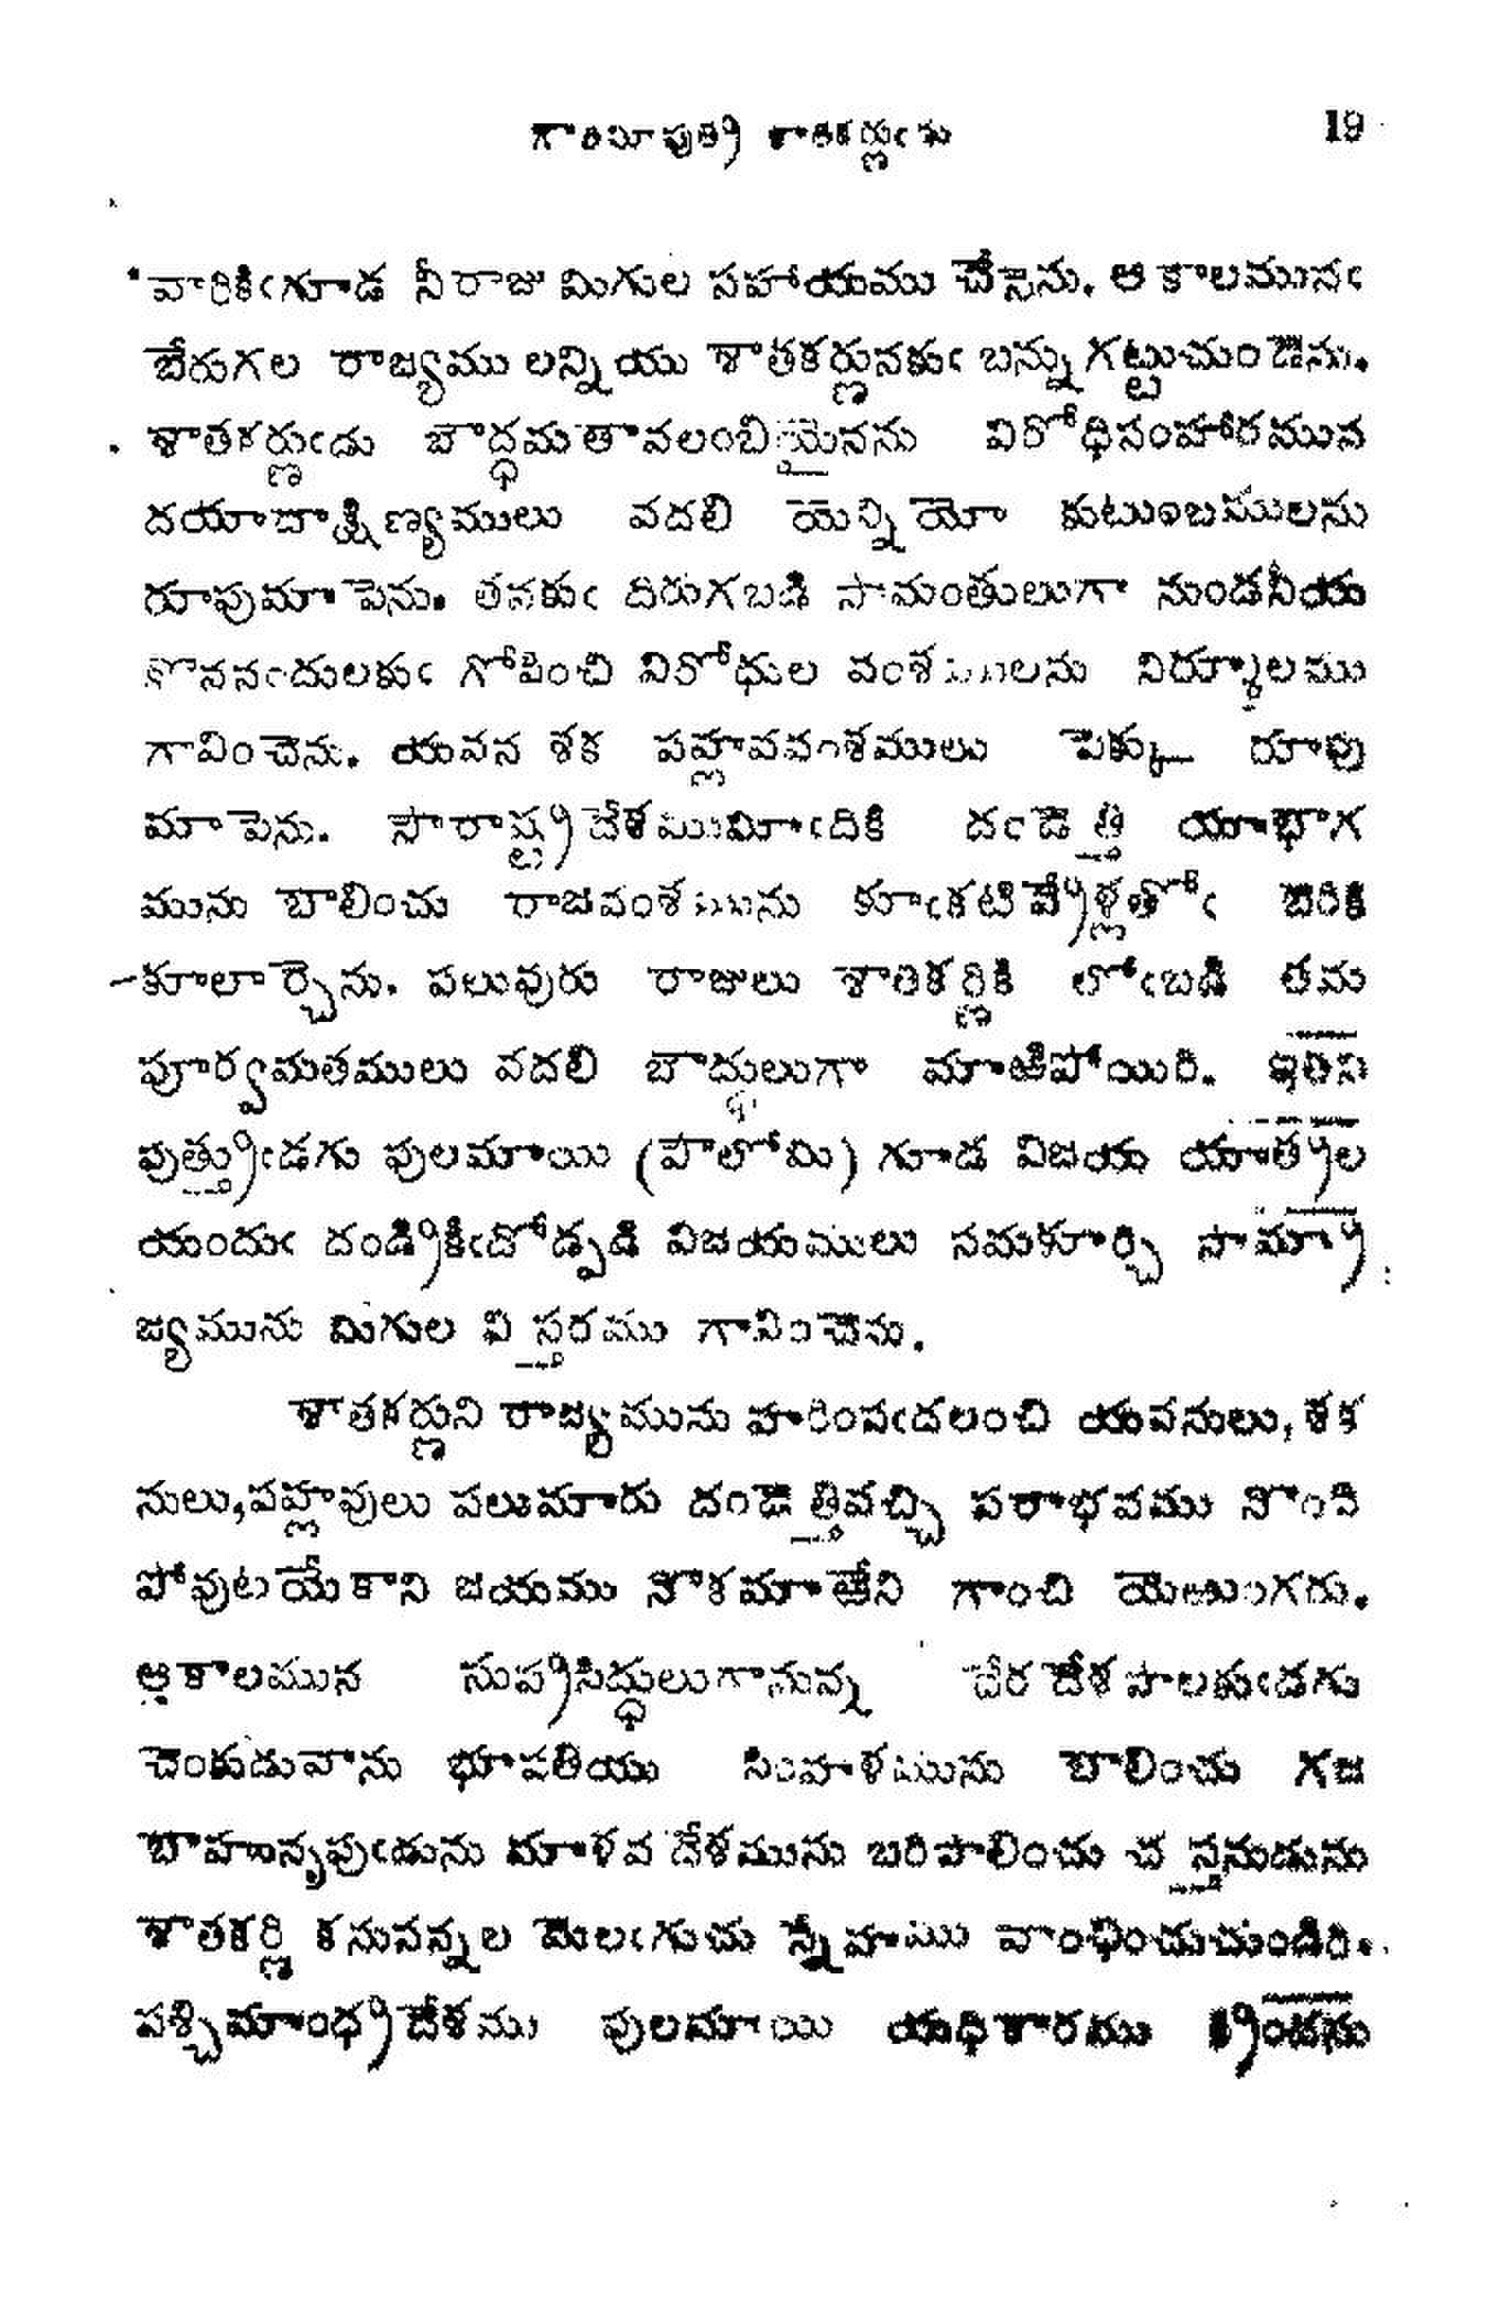వారికి గూడ నీరాజు మిగుల సహాయము చేసెను. ఆ కాలమున బేరుగల రాజ్యము లన్నియు శాతకర్ణునకు బన్నుగట్టుచుండెను. శాతకర్ణుడు బౌద్ధమతావలంబియైనను విరోధిసంహారమున దయాదాక్షిణ్యములు వదిలి యెన్నియో కుటుంబములను రూపుమాపెను. తనకు దిరుగబడి సామంతులుగా నుండనీయ కొననందులకు గోపించి విరోధుల వంశములను నిర్మూలము గావించెను. యవన శక పహ్లావవంశములు పెక్కు రూపుమాపెను. సౌరాష్ట్రదేశముమీదికి దండెత్తి యాభాగమును బాలించు రాజవంశమును కూకటివ్రేళ్లతో బెరికి కూలార్చెను. పలువురు రాజులు శాతికర్ణికి లోబడి తమపూర్వమతములు వదలి బౌద్ధులుగా మాఱిపోయిరి. ఇతని పుత్రుడగు పులమాయి (పౌలోమి) గూడ విజయ యాత్రల యందు దండ్రికిదోడ్పడి విజయములు సమకూర్చి సామ్రాజ్యమును మిగుల విస్తరము గావించెను.

శాతకర్ణుని రాజ్యమును హరింపదలంచి యవనులు, శకనులు, పహ్లవులు పలుమారు దండెత్తివచ్చి పరాభవము నొంది పోవుటయేకాని జయము నొకమాఱేని గాంచి యెఱుంగరు. ఆకాలమున సుప్రసిద్ధులుగానున్న చేరదేశపాలకుడగు చెంకుడువాను భూపతియు సింహళమును బాలించు గజబాహునృపుడును మాళవదేశమును బరిపాలించు చస్తనుడును శాతకర్ణి కనుసన్నల మెలగుచు స్నేహము వాంఛించుచుండిరి. పశ్చిమాంధ్రదేశము పులమాయి యధికారము క్రిందను